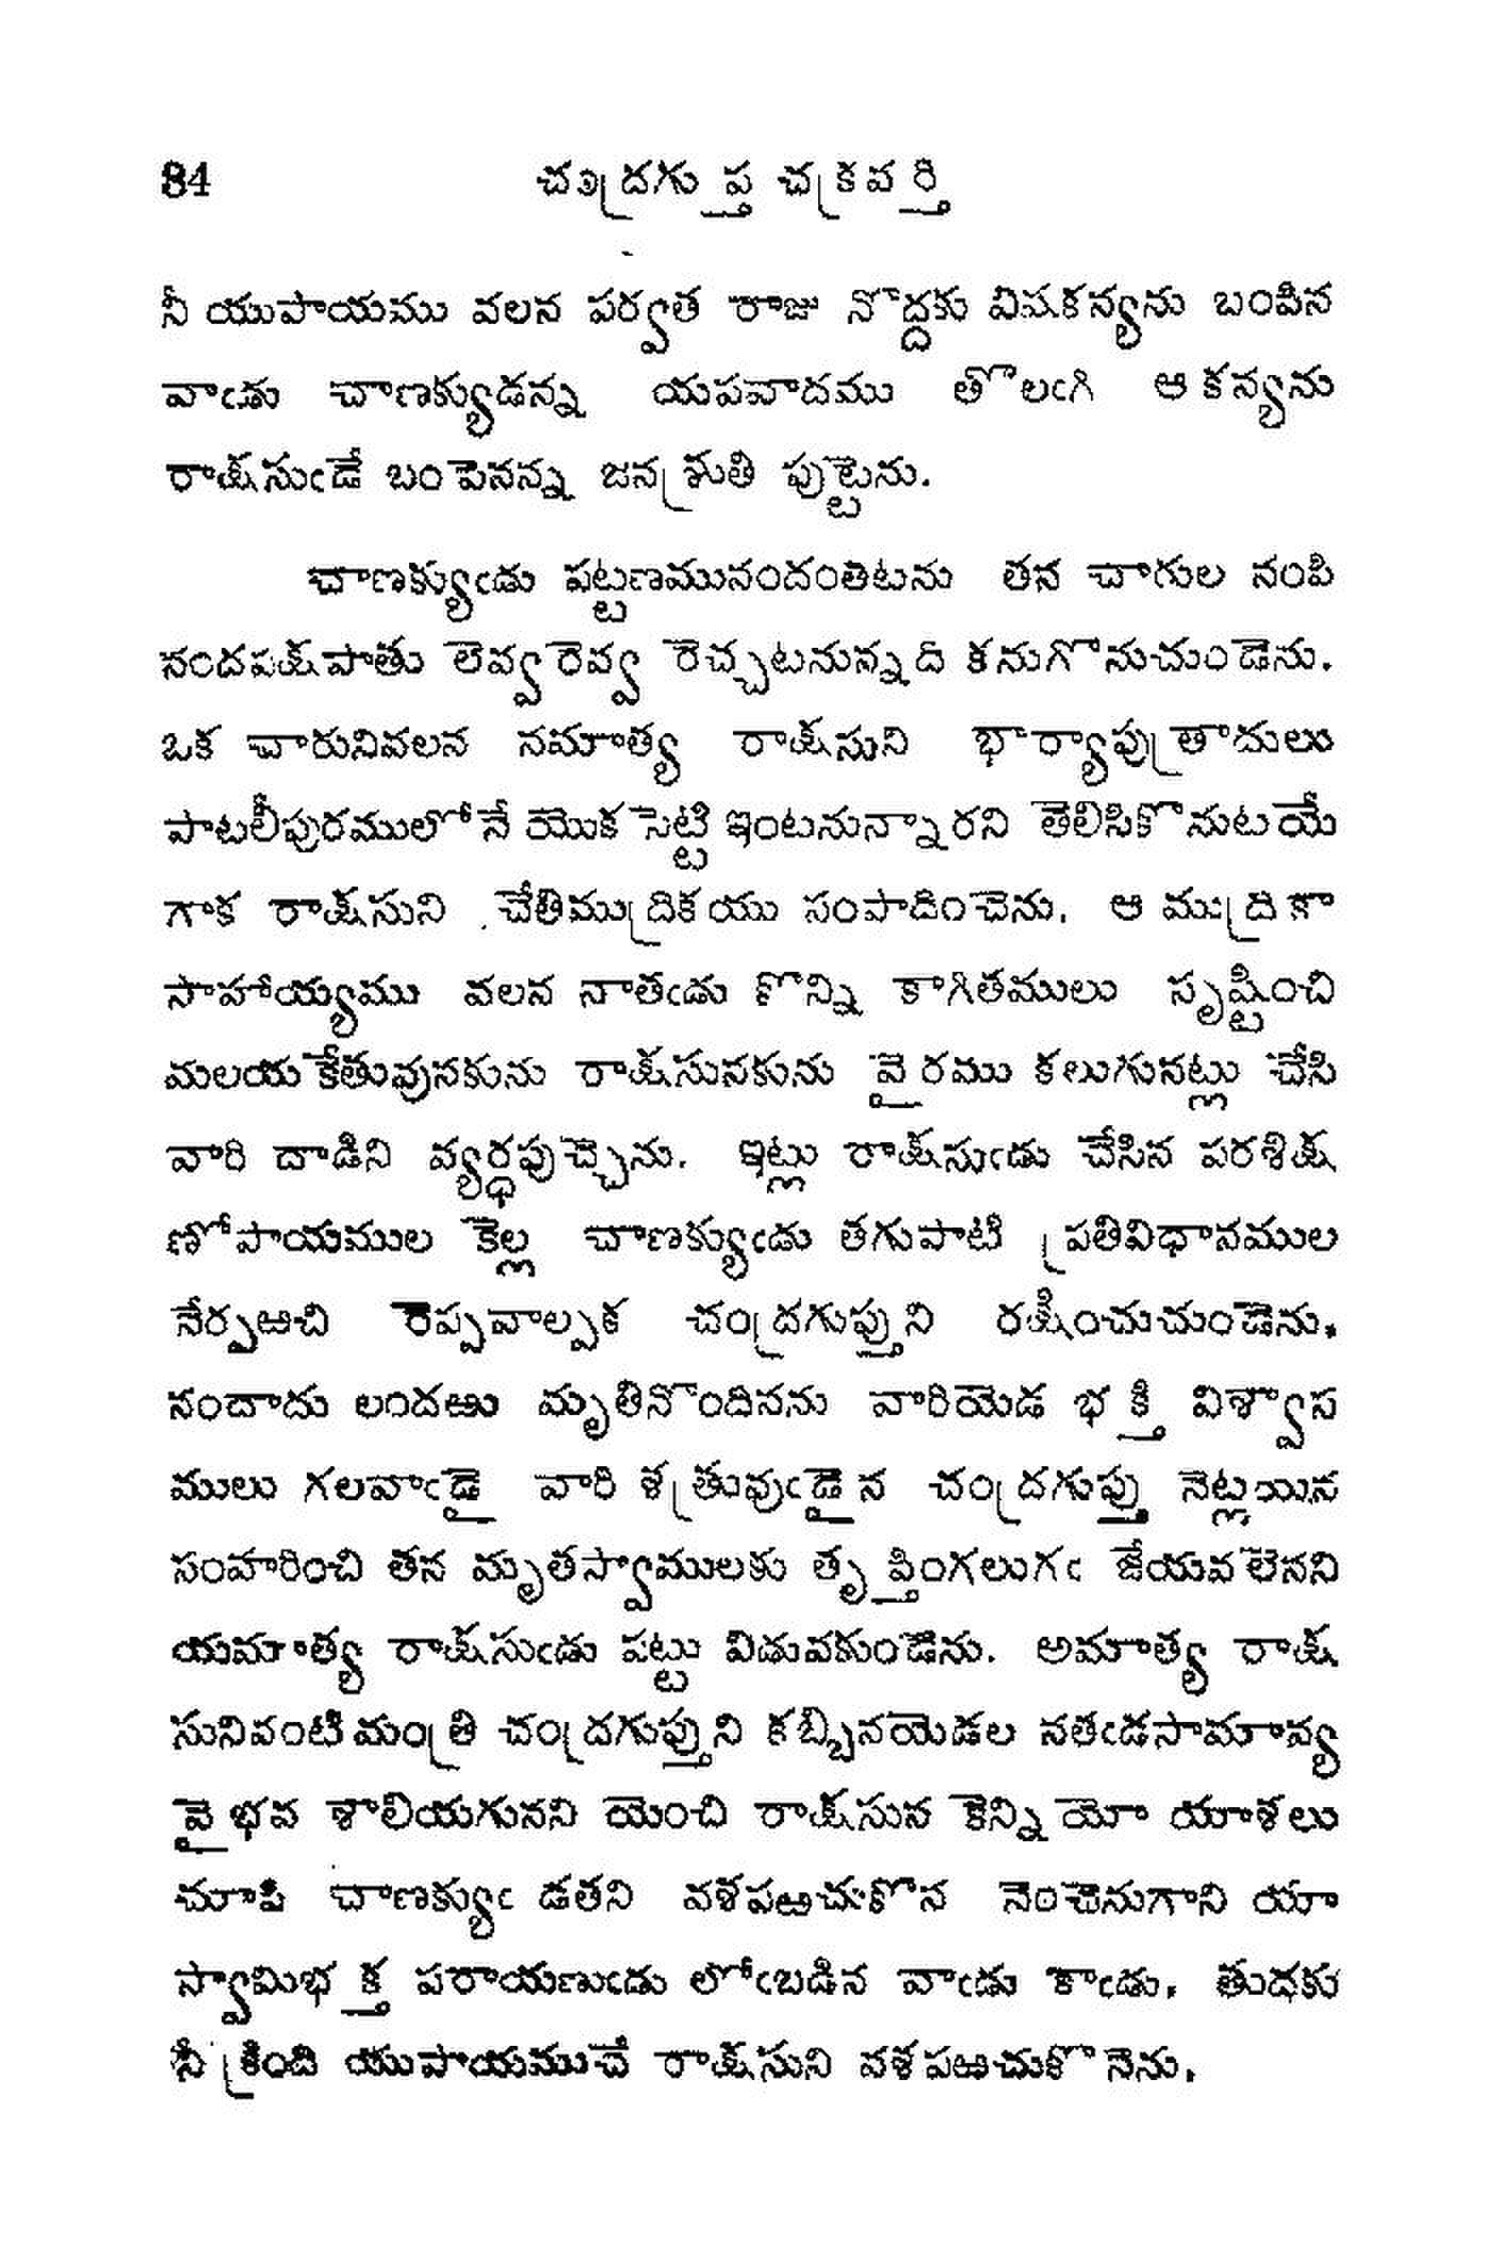నీ యుపాయము వలన పర్వతరాజు నొద్దకు విషకన్యను బంపినవాఁడు చాణక్యుడన్న యపవాదము తొలఁగి ఆ కన్యను రాక్షసుఁడే బంపెనన్న జనశ్రుతి పుట్టెను.

చాణక్యుఁడు పట్టణమునందంతటను తన చారుల నంపి నందపక్షపాతు లెవ్వరెవ్వ రెచ్చటనున్నది కనుగొనుచుండెను. ఒక చారునివలన నమాత్య రాక్షసుని భార్యాపుత్రాదులు పాటలీపురములోనే యొక సెట్టి ఇంటనున్నారని తెలిసికొనుటయే గాక రాక్షసుని చేతిముద్రికయు సంపాదించెను. ఆ ముద్రికా సాహాయ్యము వలన నాతఁడు కొన్ని కాగితములు సృష్టించి మలయకేతువునకును రాక్షసునకును వైరము కలుగునట్లు చేసి వారి దాడిని వ్యర్ధపుచ్చెను. ఇట్లు రాక్షసుఁడు చేసిన పరశిక్షణోపాయముల కెల్ల చాణక్యుఁడు తగుపాటి ప్రతివిధానముల నేర్పఱచి రెప్పవాల్పక చంద్రగుప్తుని రక్షించుచుండెను. నందాదు లందఱు మృతినొందినను వారియెడ భక్తి విశ్వాసములు గలవాఁడై వారి శత్రువుఁడైన చంద్రగుప్తు నెట్లయిన సంహరించి తన మృతస్వాములకు తృప్తింగలుగఁ జేయవలెనని యమాత్య రాశుసుఁడు పట్టు విడువకుండెను. అమాత్య రాక్షసునివంటి మంత్రి చంద్రగుప్తుని కబ్బినయెడల నతఁడసామాన్య వైభవ శాలియగునని యెంచి రాక్షసున కెన్నియో యాశలు చూపి చాణక్యుఁ డతని వశపఱచుకొన నెంచెనుగాని యా స్వామిభక్త పరాయణుఁడు లోఁబడిన వాఁడు కాఁడు. తుదకు నీ క్రింది యుపాయముచే రాక్షసుని వశపఱచుకొనెను,